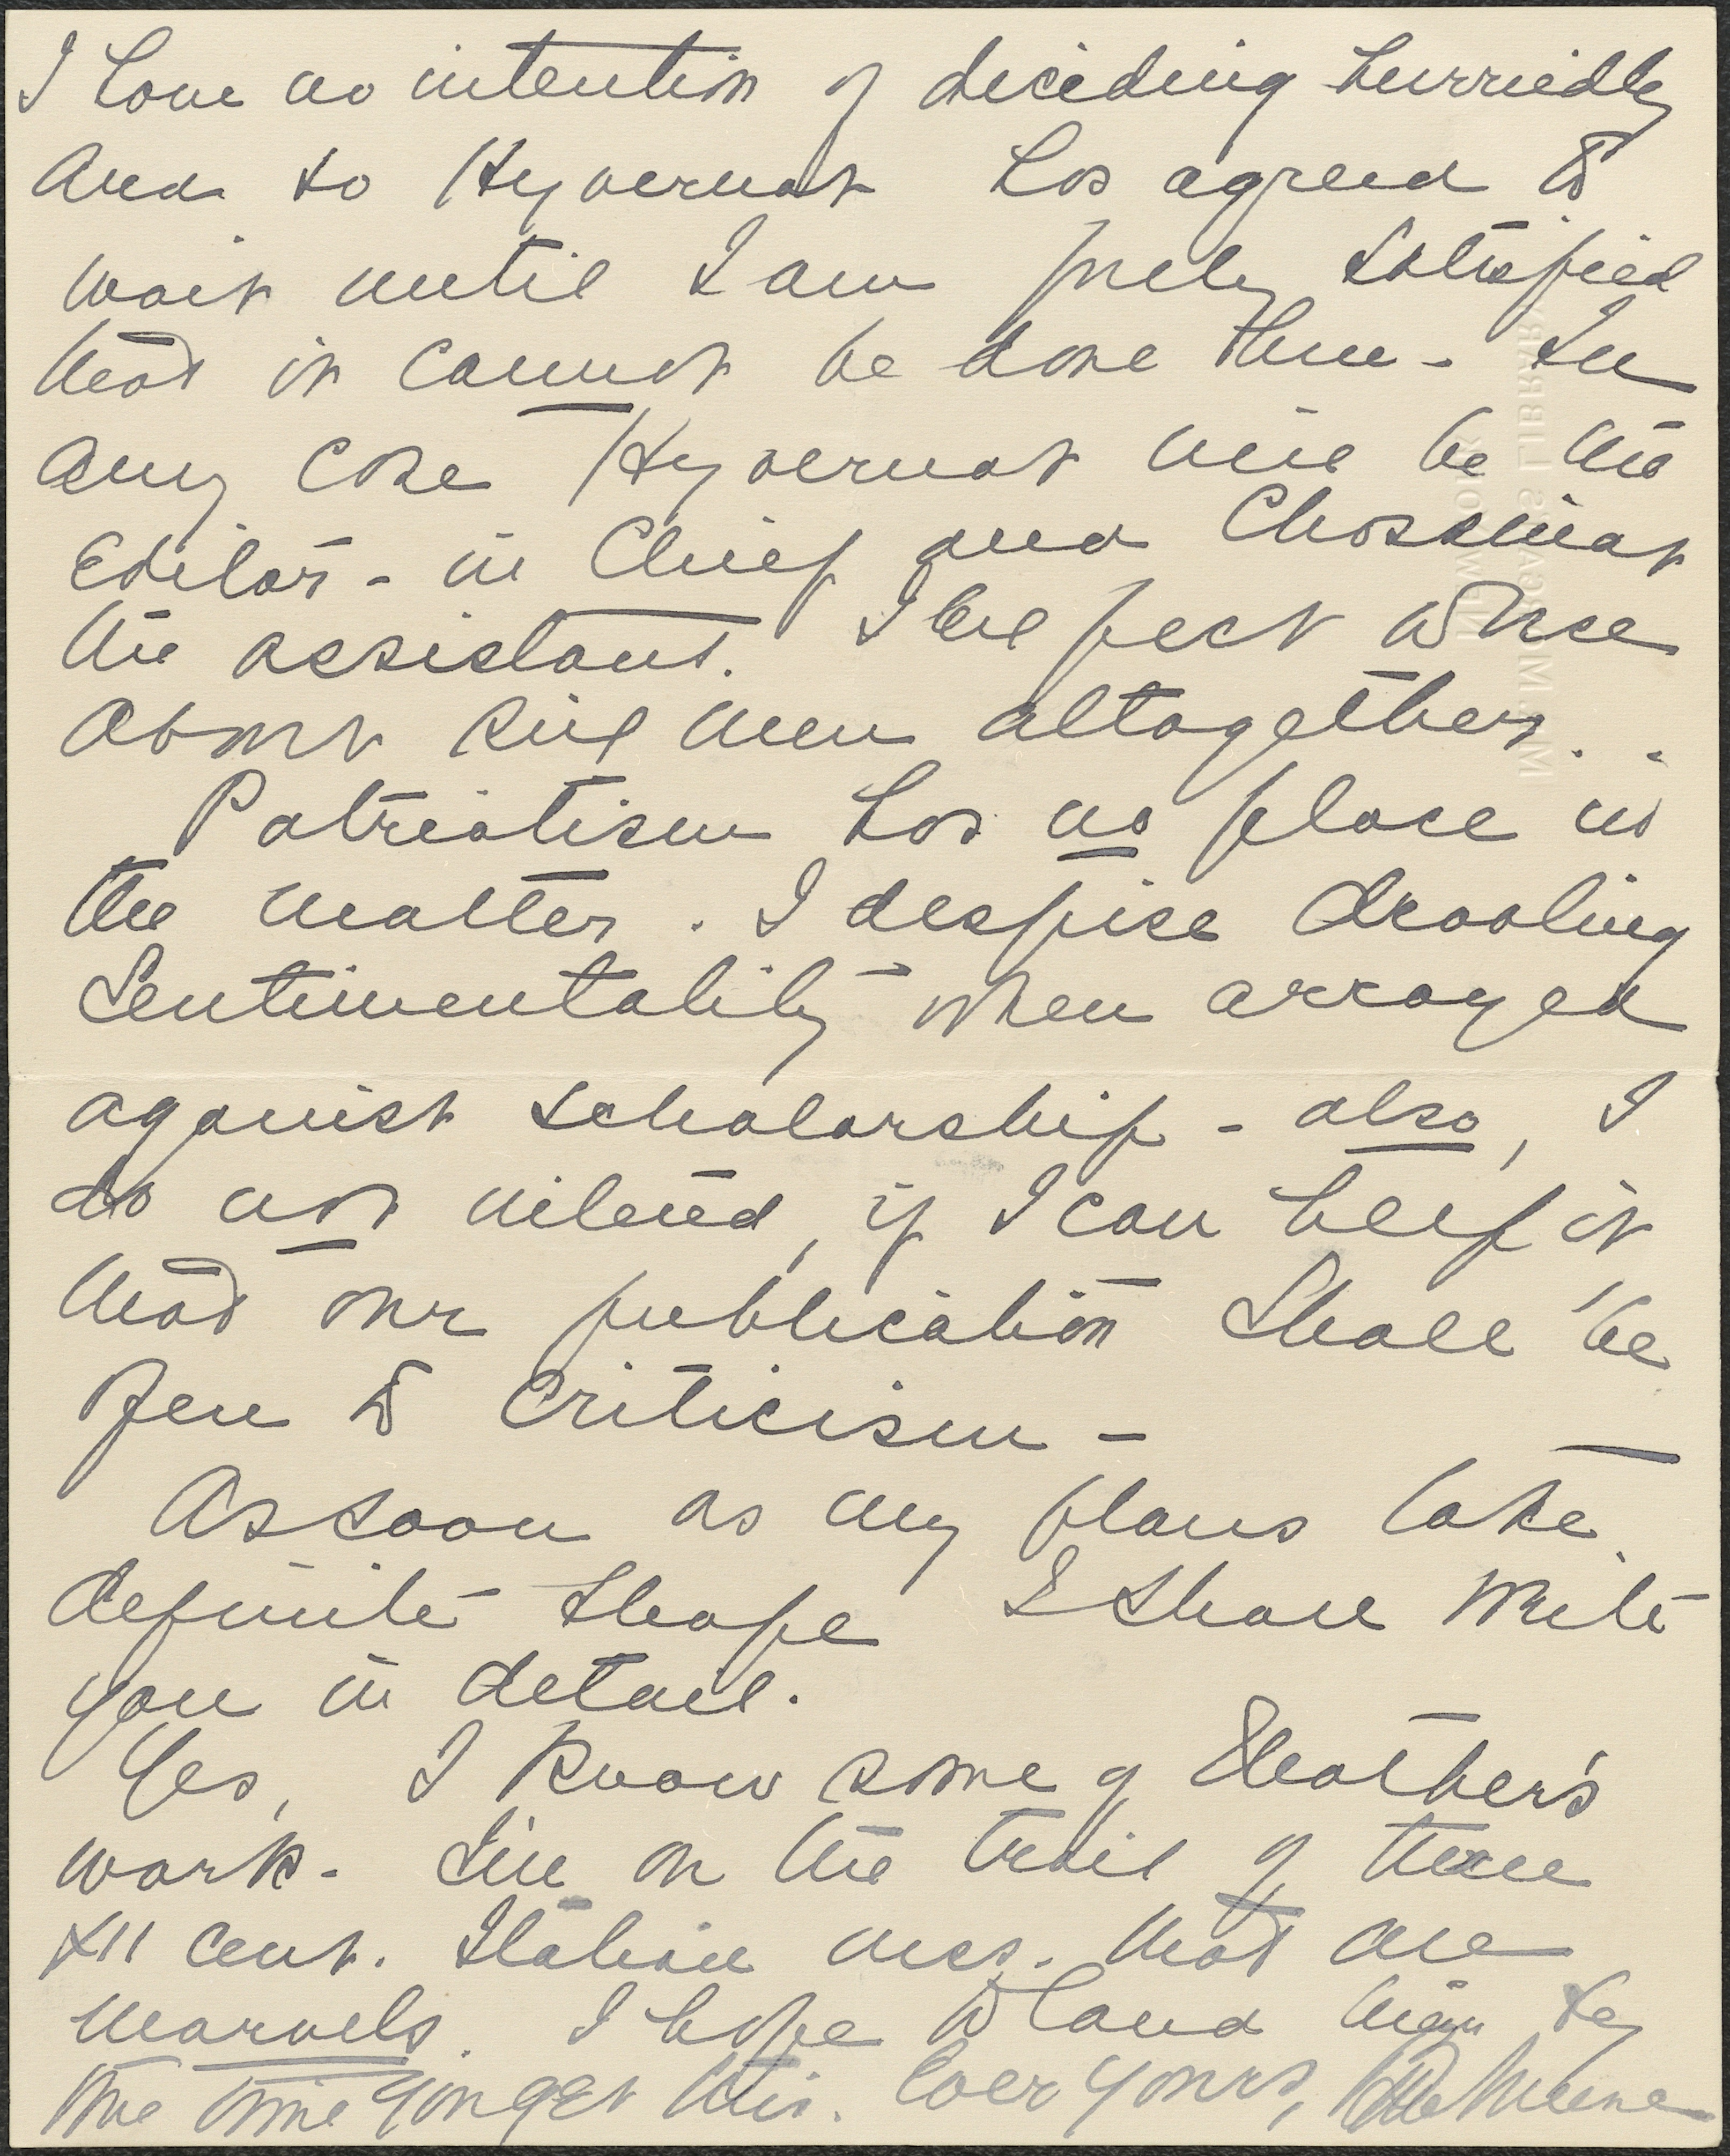I have no intention of deciding hurriedly and so Hyvernat has agreed to wait until I am fully satisfied that it cannot be done here – In any case Hyvernat will be the Editor- in Chief and Chassinat the assistant. I expect to see about six men altogether.
Patriotism has no place in the matter. I despise drooling sentimentality – when arrayed against scholarship – also, I do not intend, if I can help it, that our publication shall be open to criticism –
As soon as my plans take definite shape I shall write you in detail.
Yes, I know some of Mather’s work – I’m on the trail of three XII cent. Italian mss. that are marvels. I hope to land them by the time you get this. Ever yours, Belle Greene